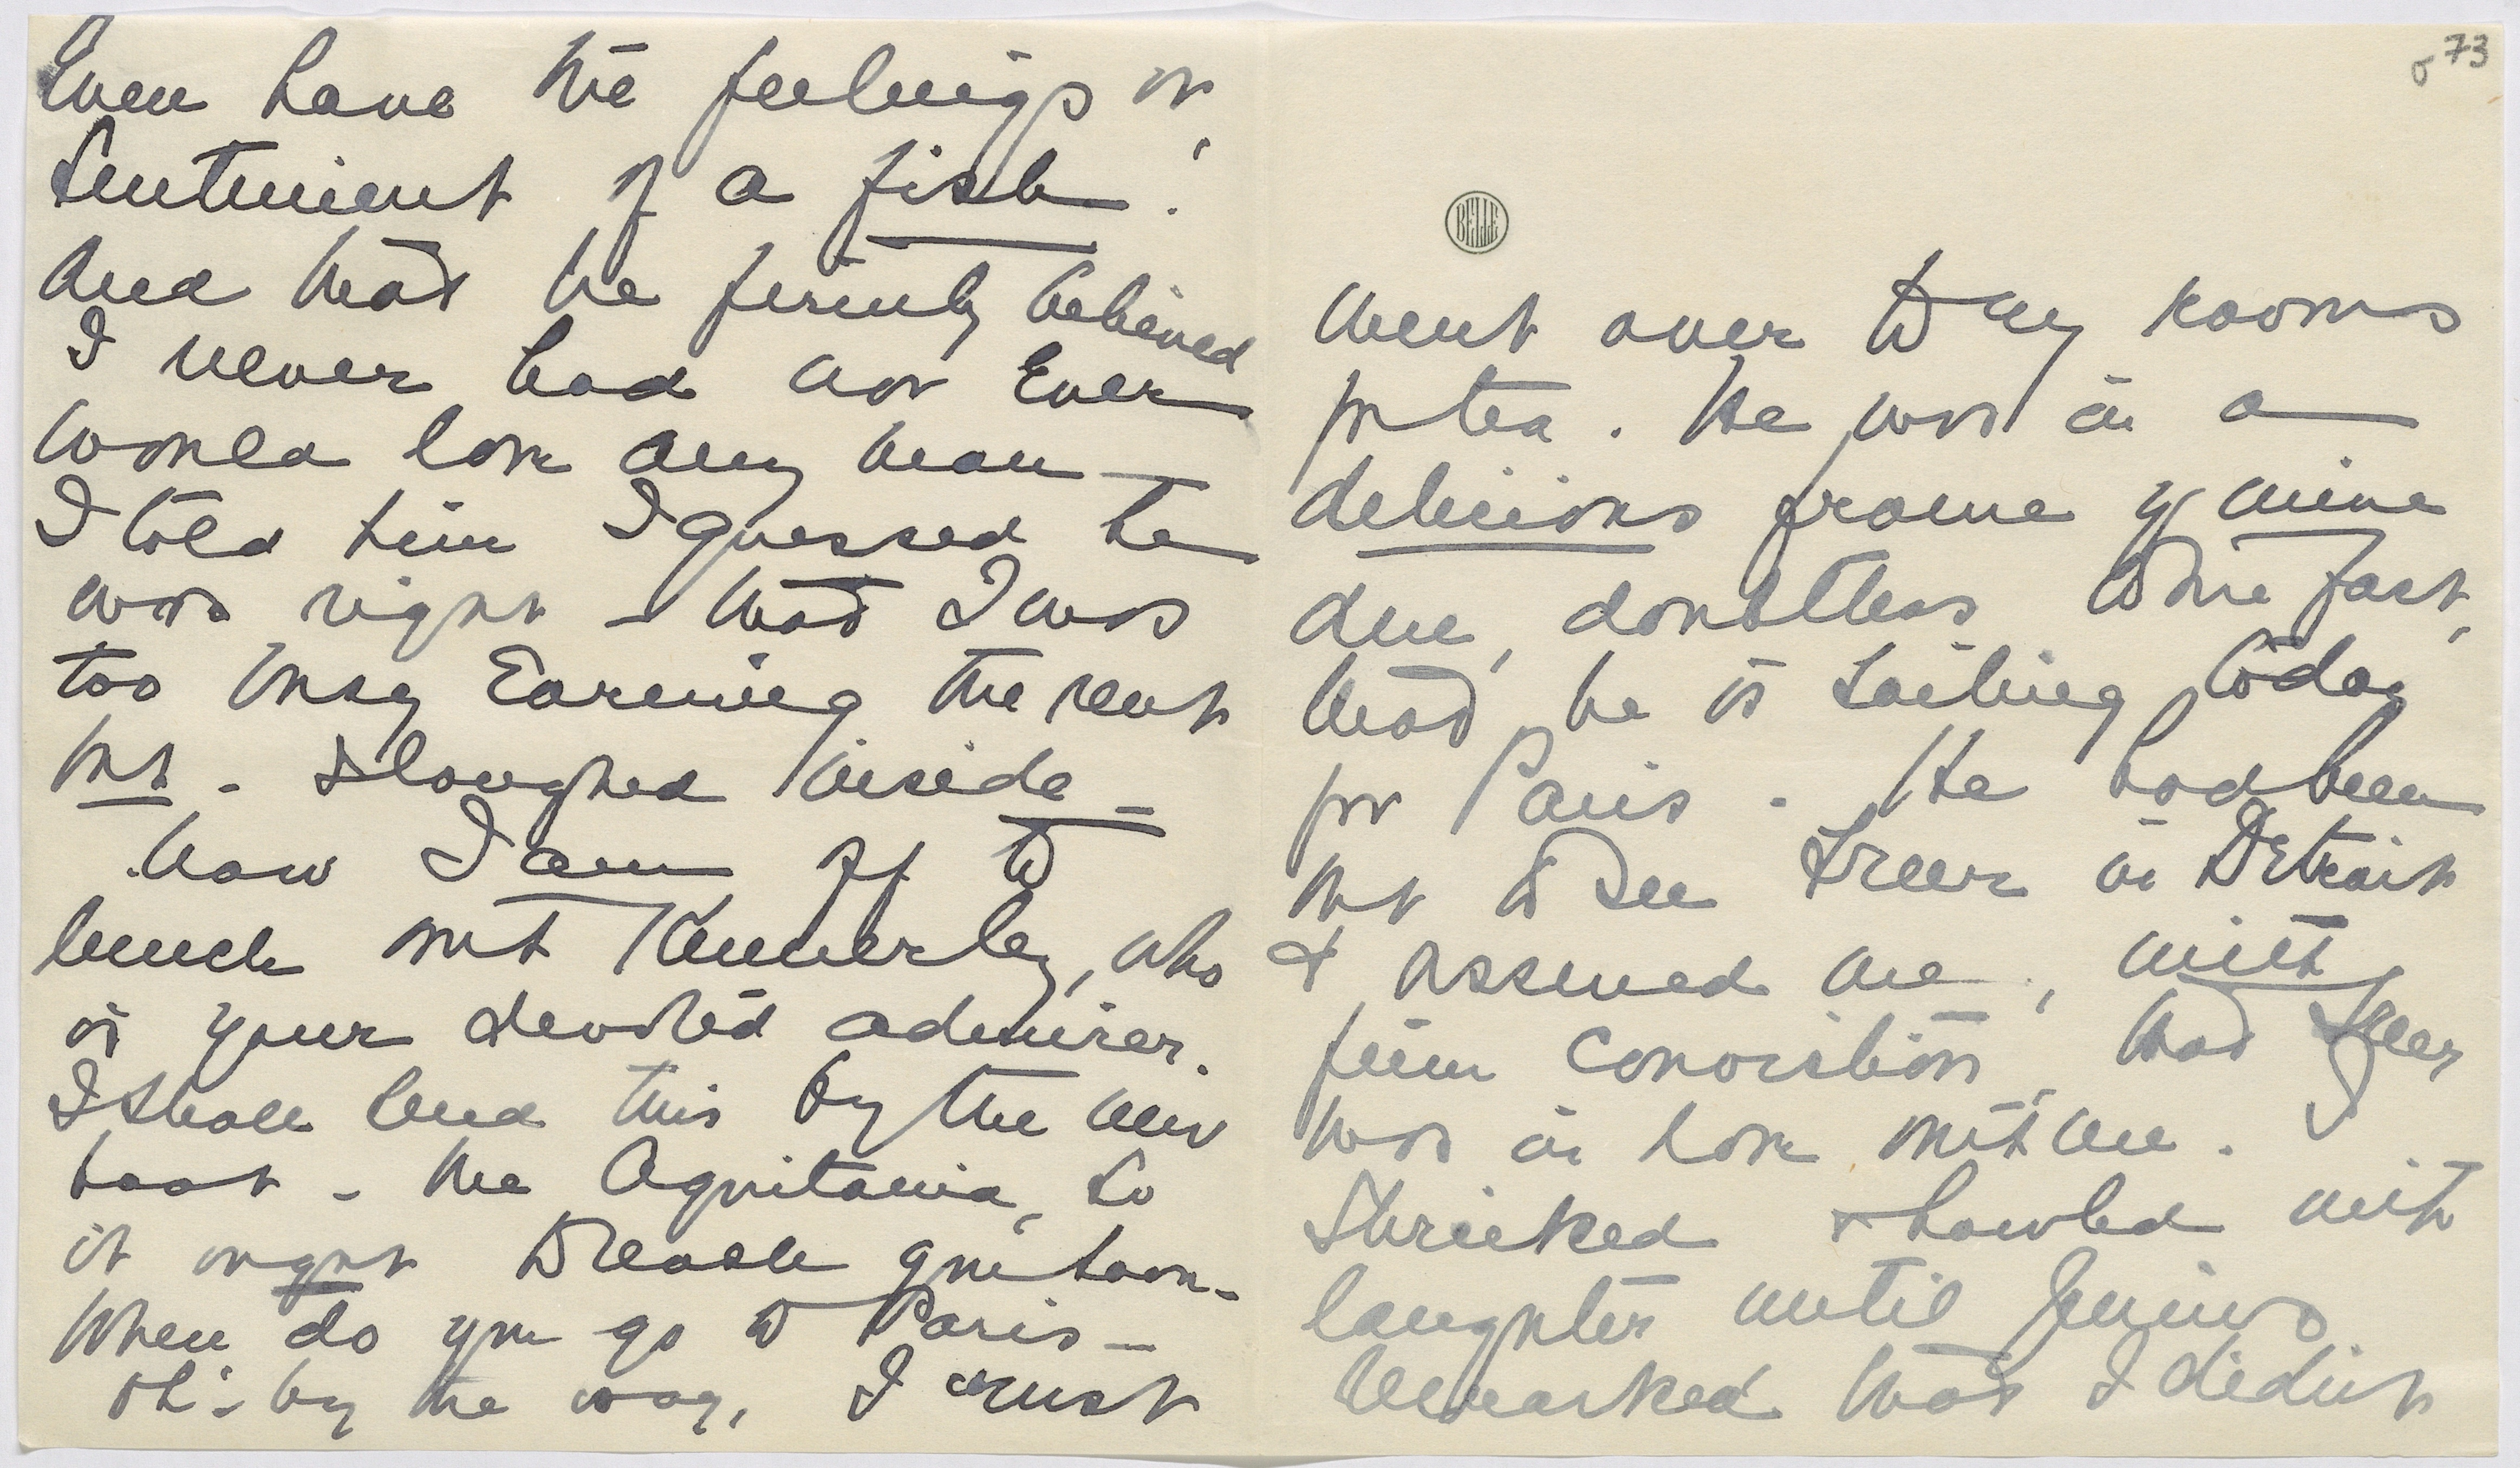went over to my rooms for tea. He was in a delicious frame of mind due, doubtless to the fact, that he is sailing today for Paris. He had been out to see Freer in Detroit & assured me, with firm conviction that Freer was in love with me. I shrieked & howled with laughter until Junius remarked that I didn’t
even have the feelings or sentiment of a fish! And that he firmly believed I never had nor ever would love any man – I told him I guessed he was right – that I was too busy earning the rent but I laughed inside –
Now I am off to lunch with Kennerley, who is your devoted admirer. I shall send this by the new boat – the Aquitania, so it ought to reach you soon – When do you go to Paris – Oh: by the way, I must